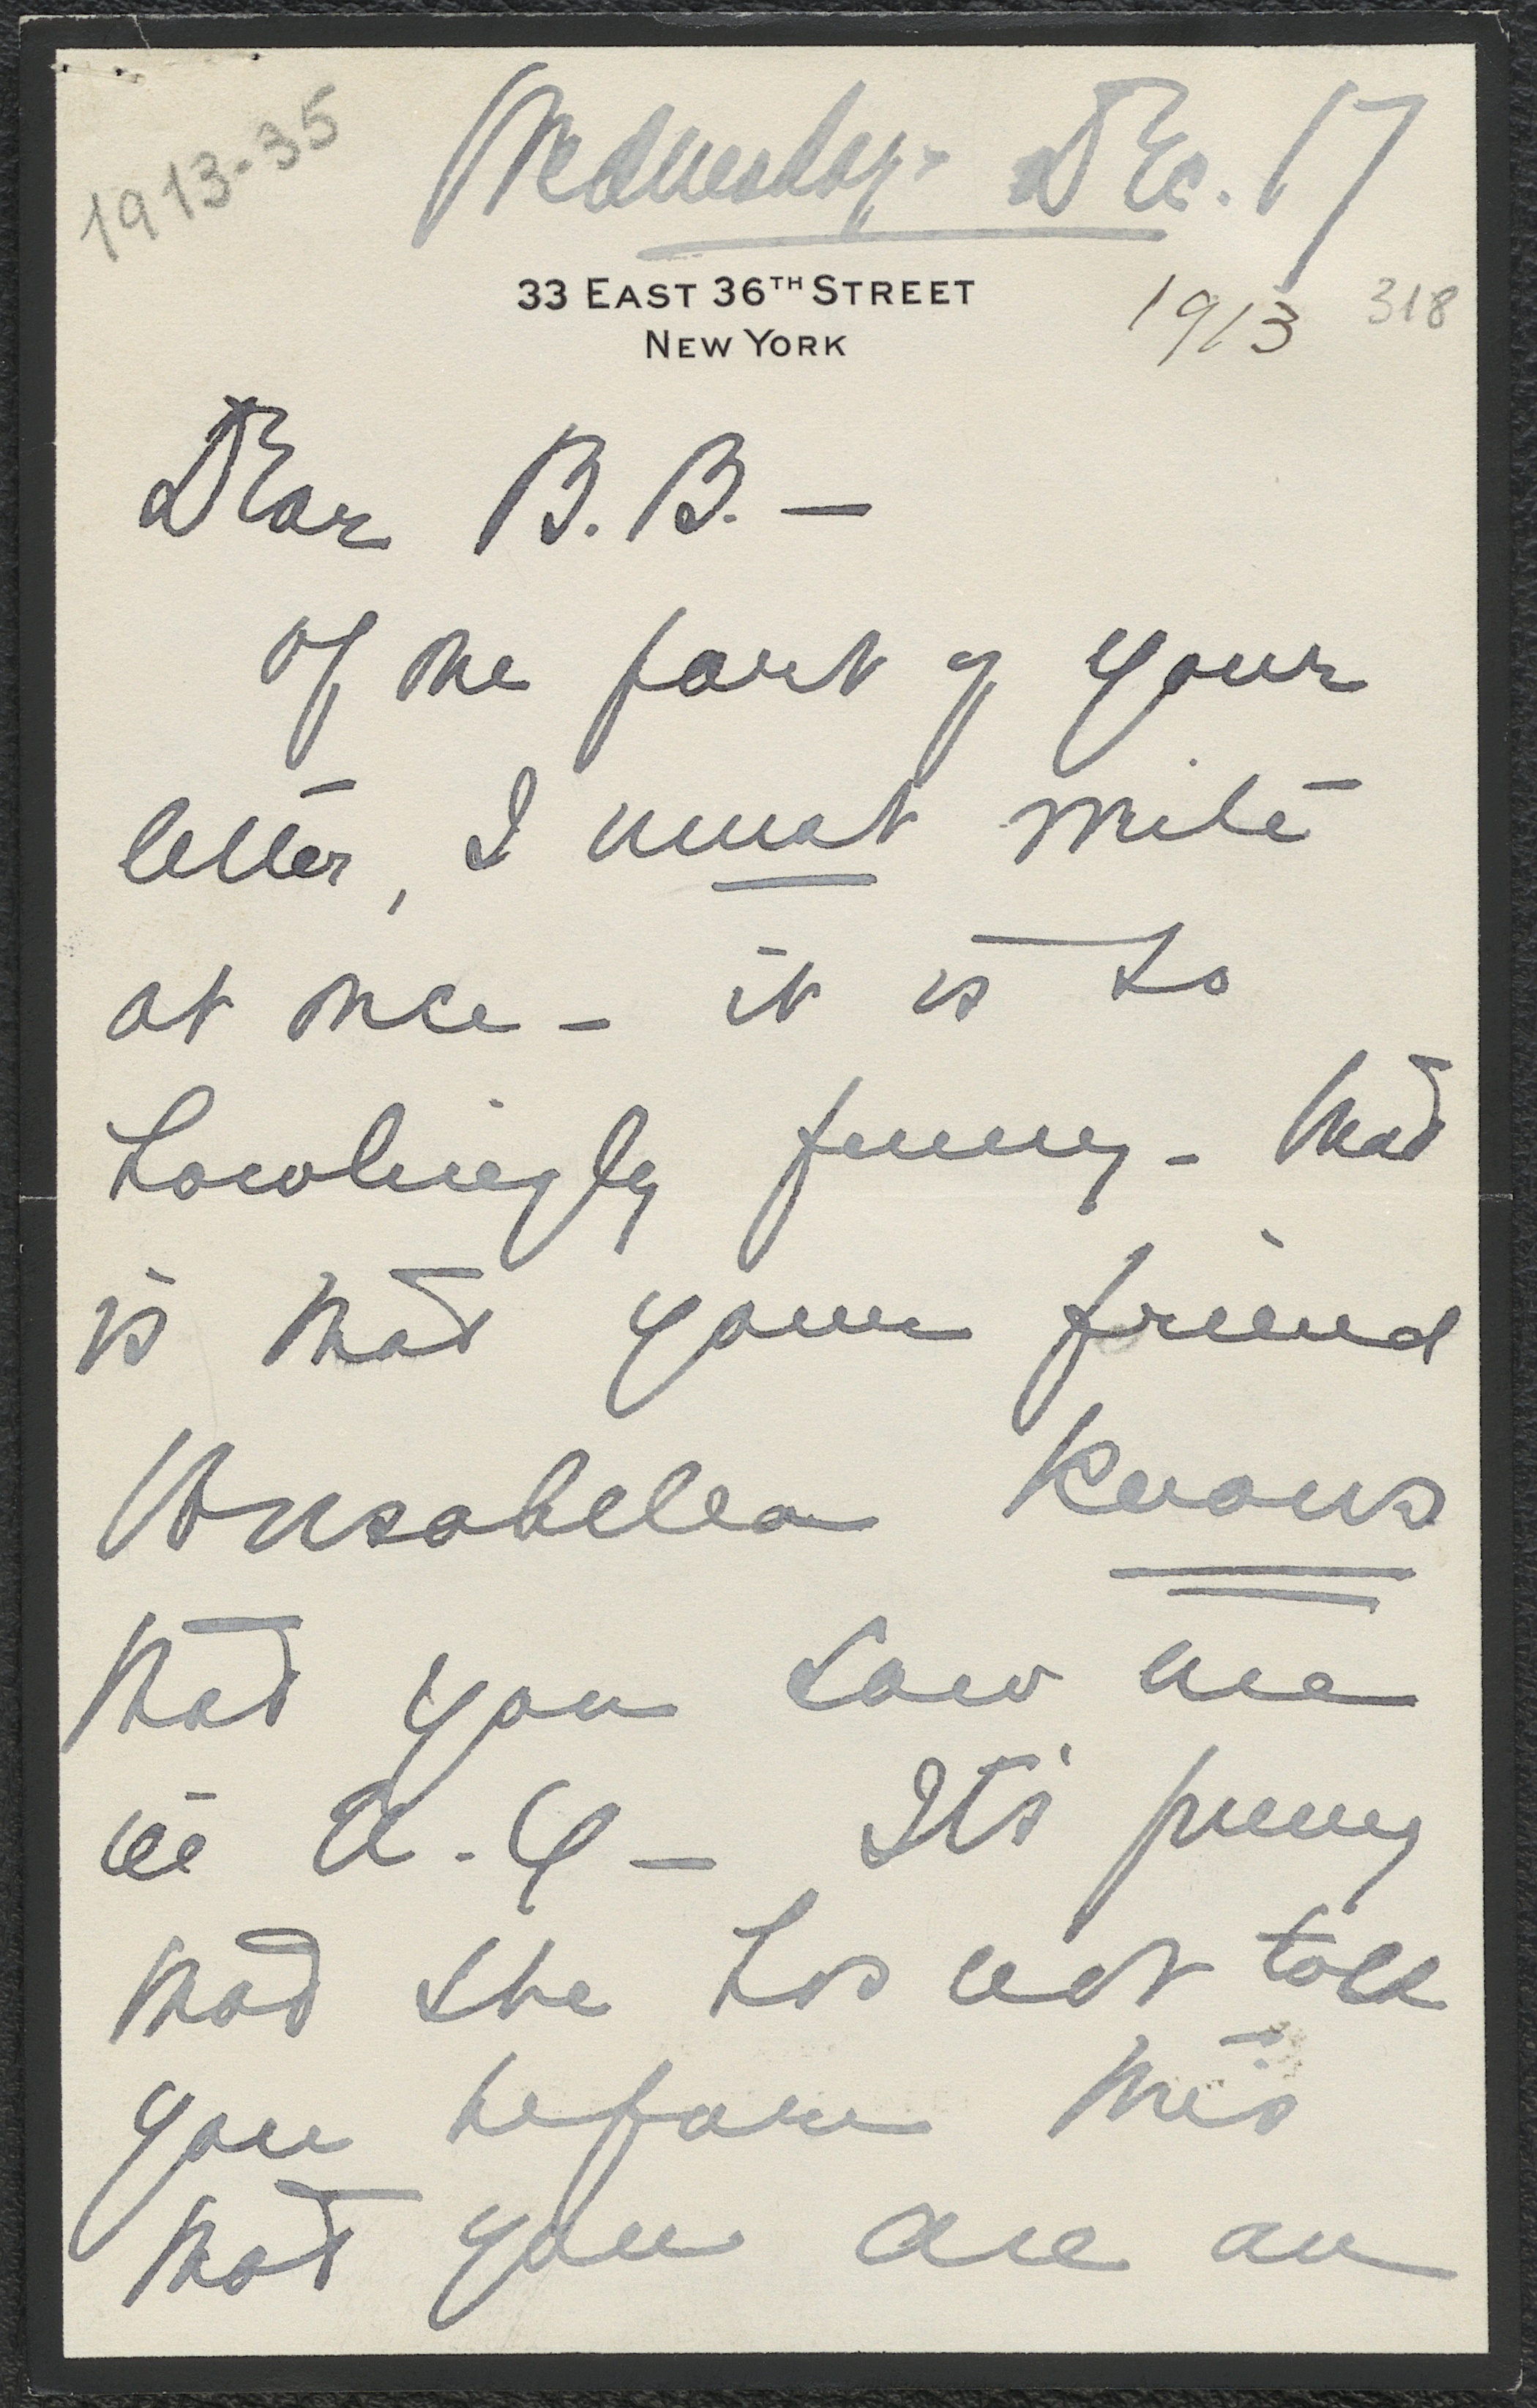Wednesday, Dec. 17
Dear B. B. –
Of one part of your letter, I must write at once – it is so howlingly funny – that is that your friend Wasabella [double underlined: knows] that you saw me in N.Y – It’s funny that she has not told you before this that you are an